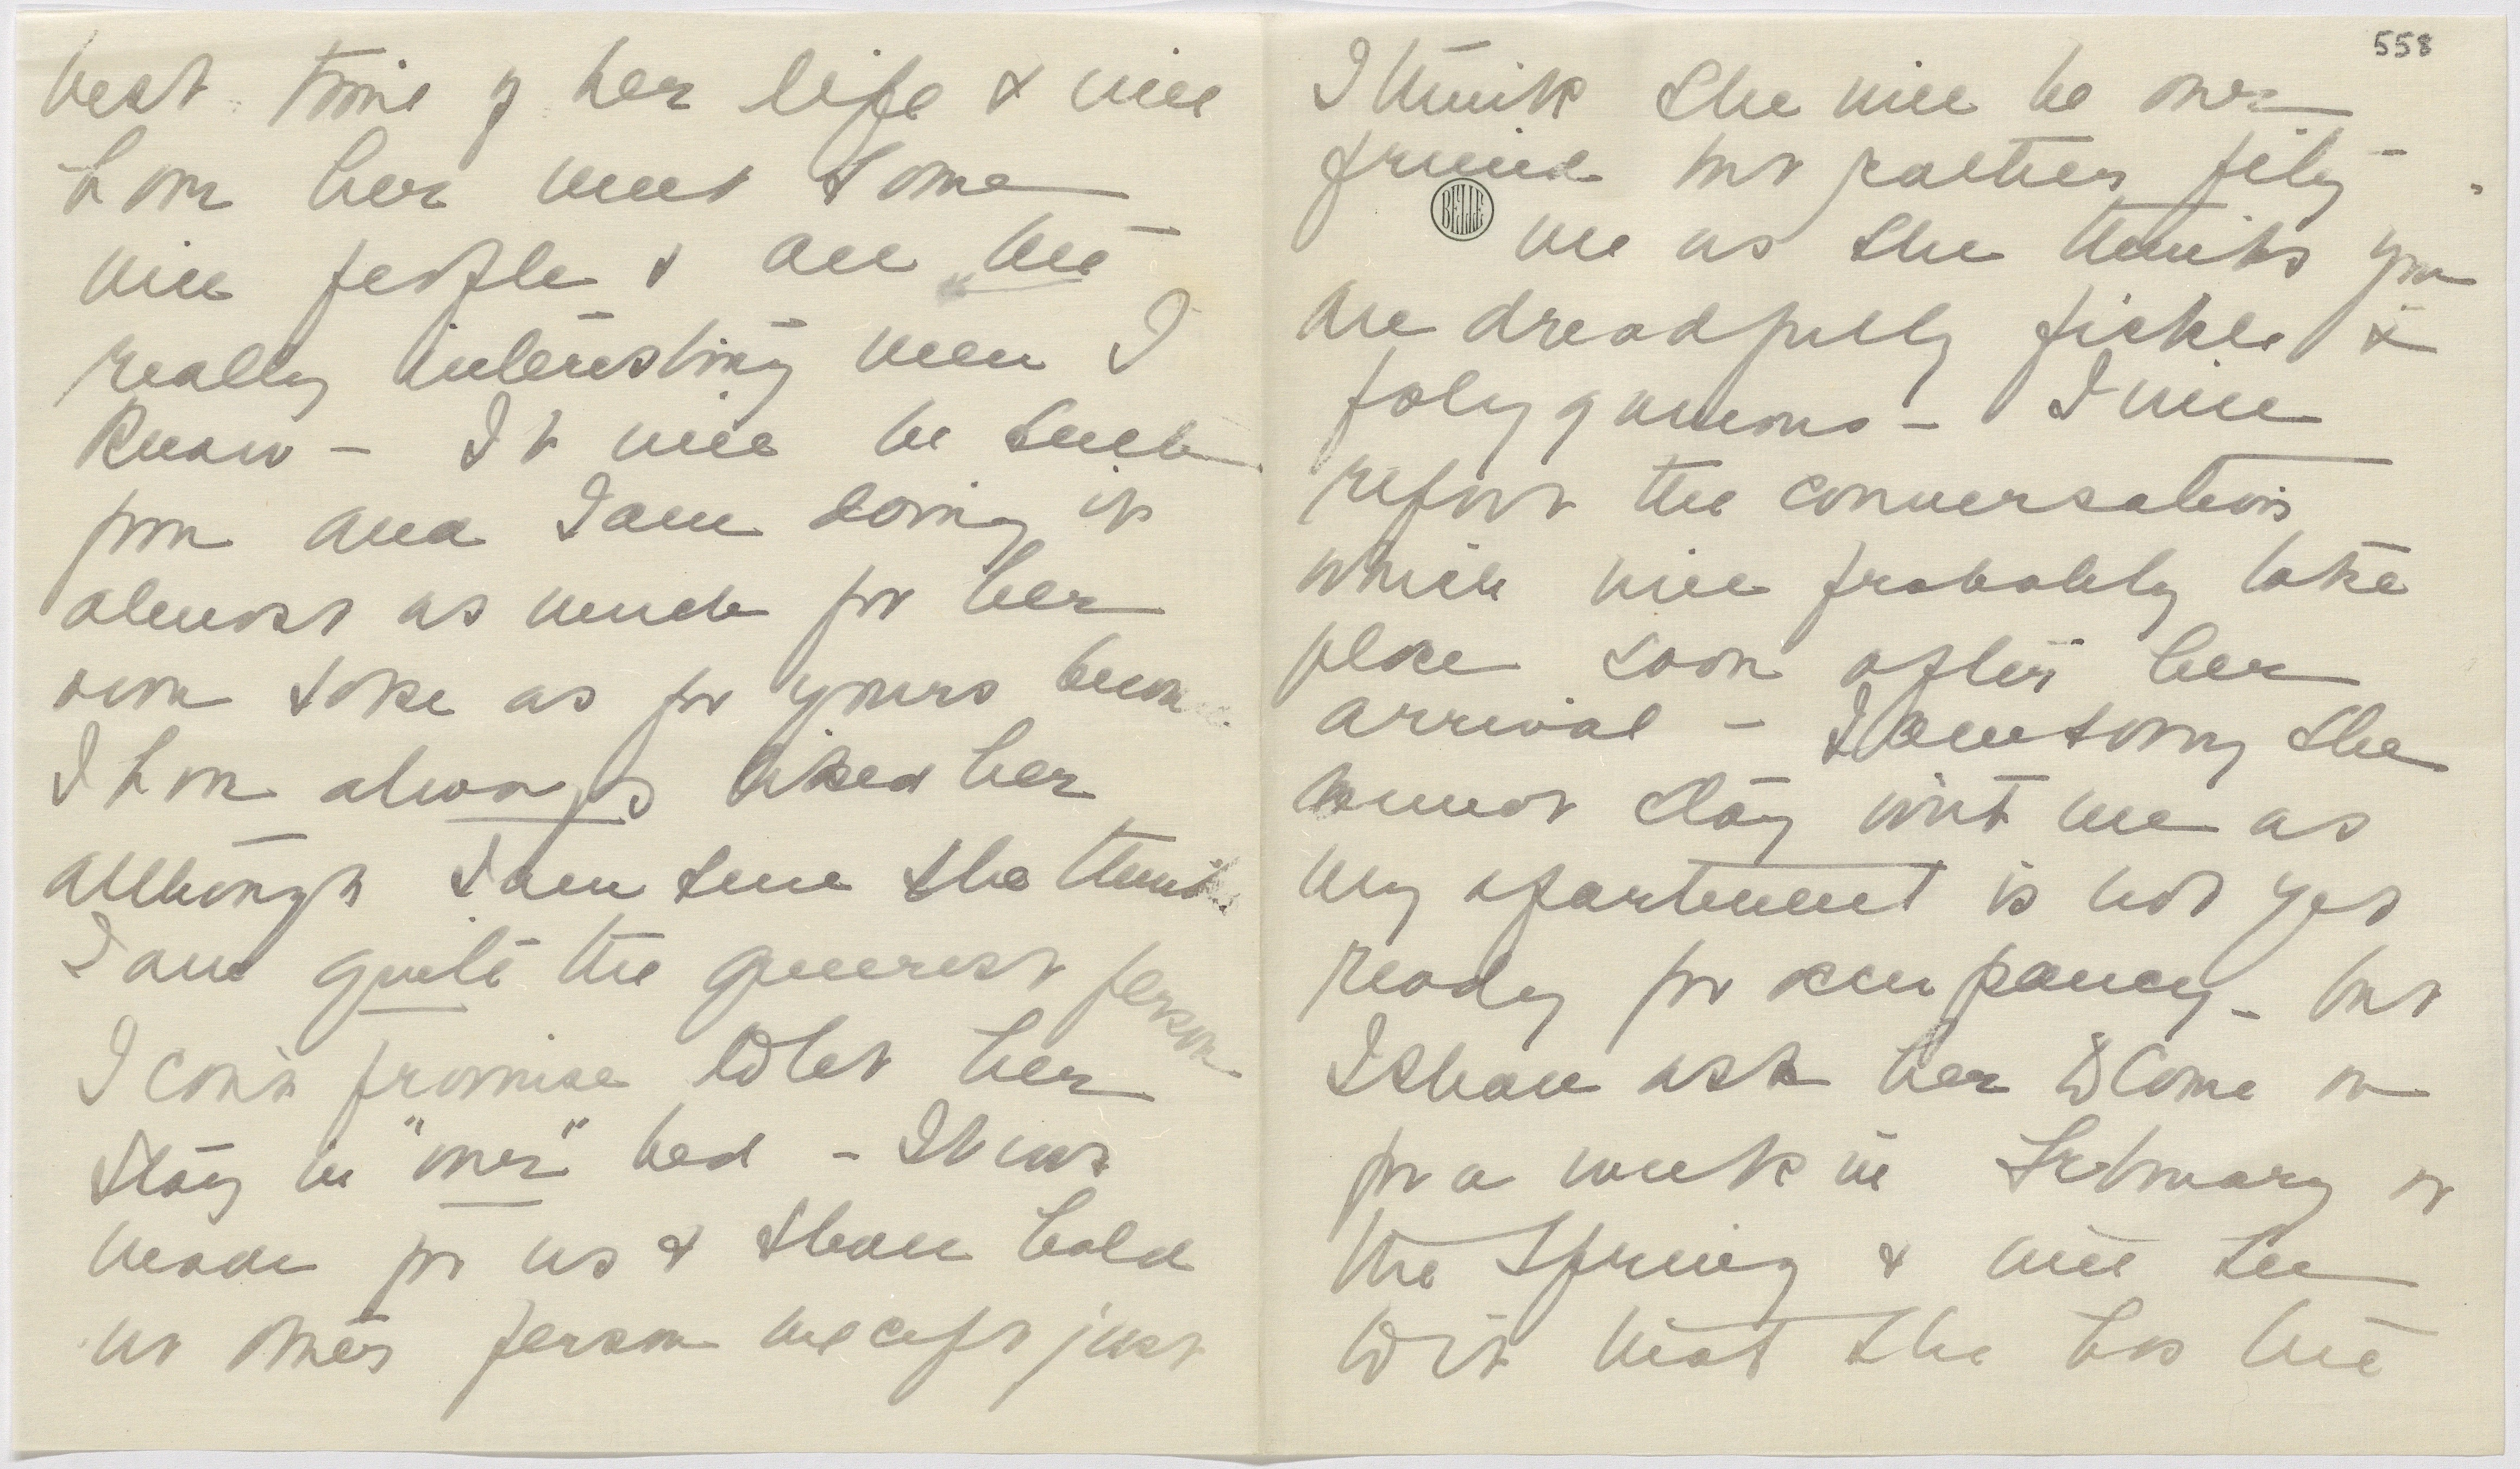I think she will be our friend but rather pity me as she thinks you are dreadfully fickle & polygamous – I will report the conversation which will probably take place soon after her arrival – I am sorry she cannot stay with me as my apartment is not yet ready for occupancy – but I shall ask her to come on for a week in February or the Spring & will see to it that she has the
best time of her life & will have her meet some nice people & all the really interesting men I know – It will be such fun and I am doing it almost as much for her own sake as for yours because I have always liked her although I am sure she thinks I am quite the queerest person[.] I can’t promise to let her stay in “our” bed – It was made for us & shall hold no other person except just